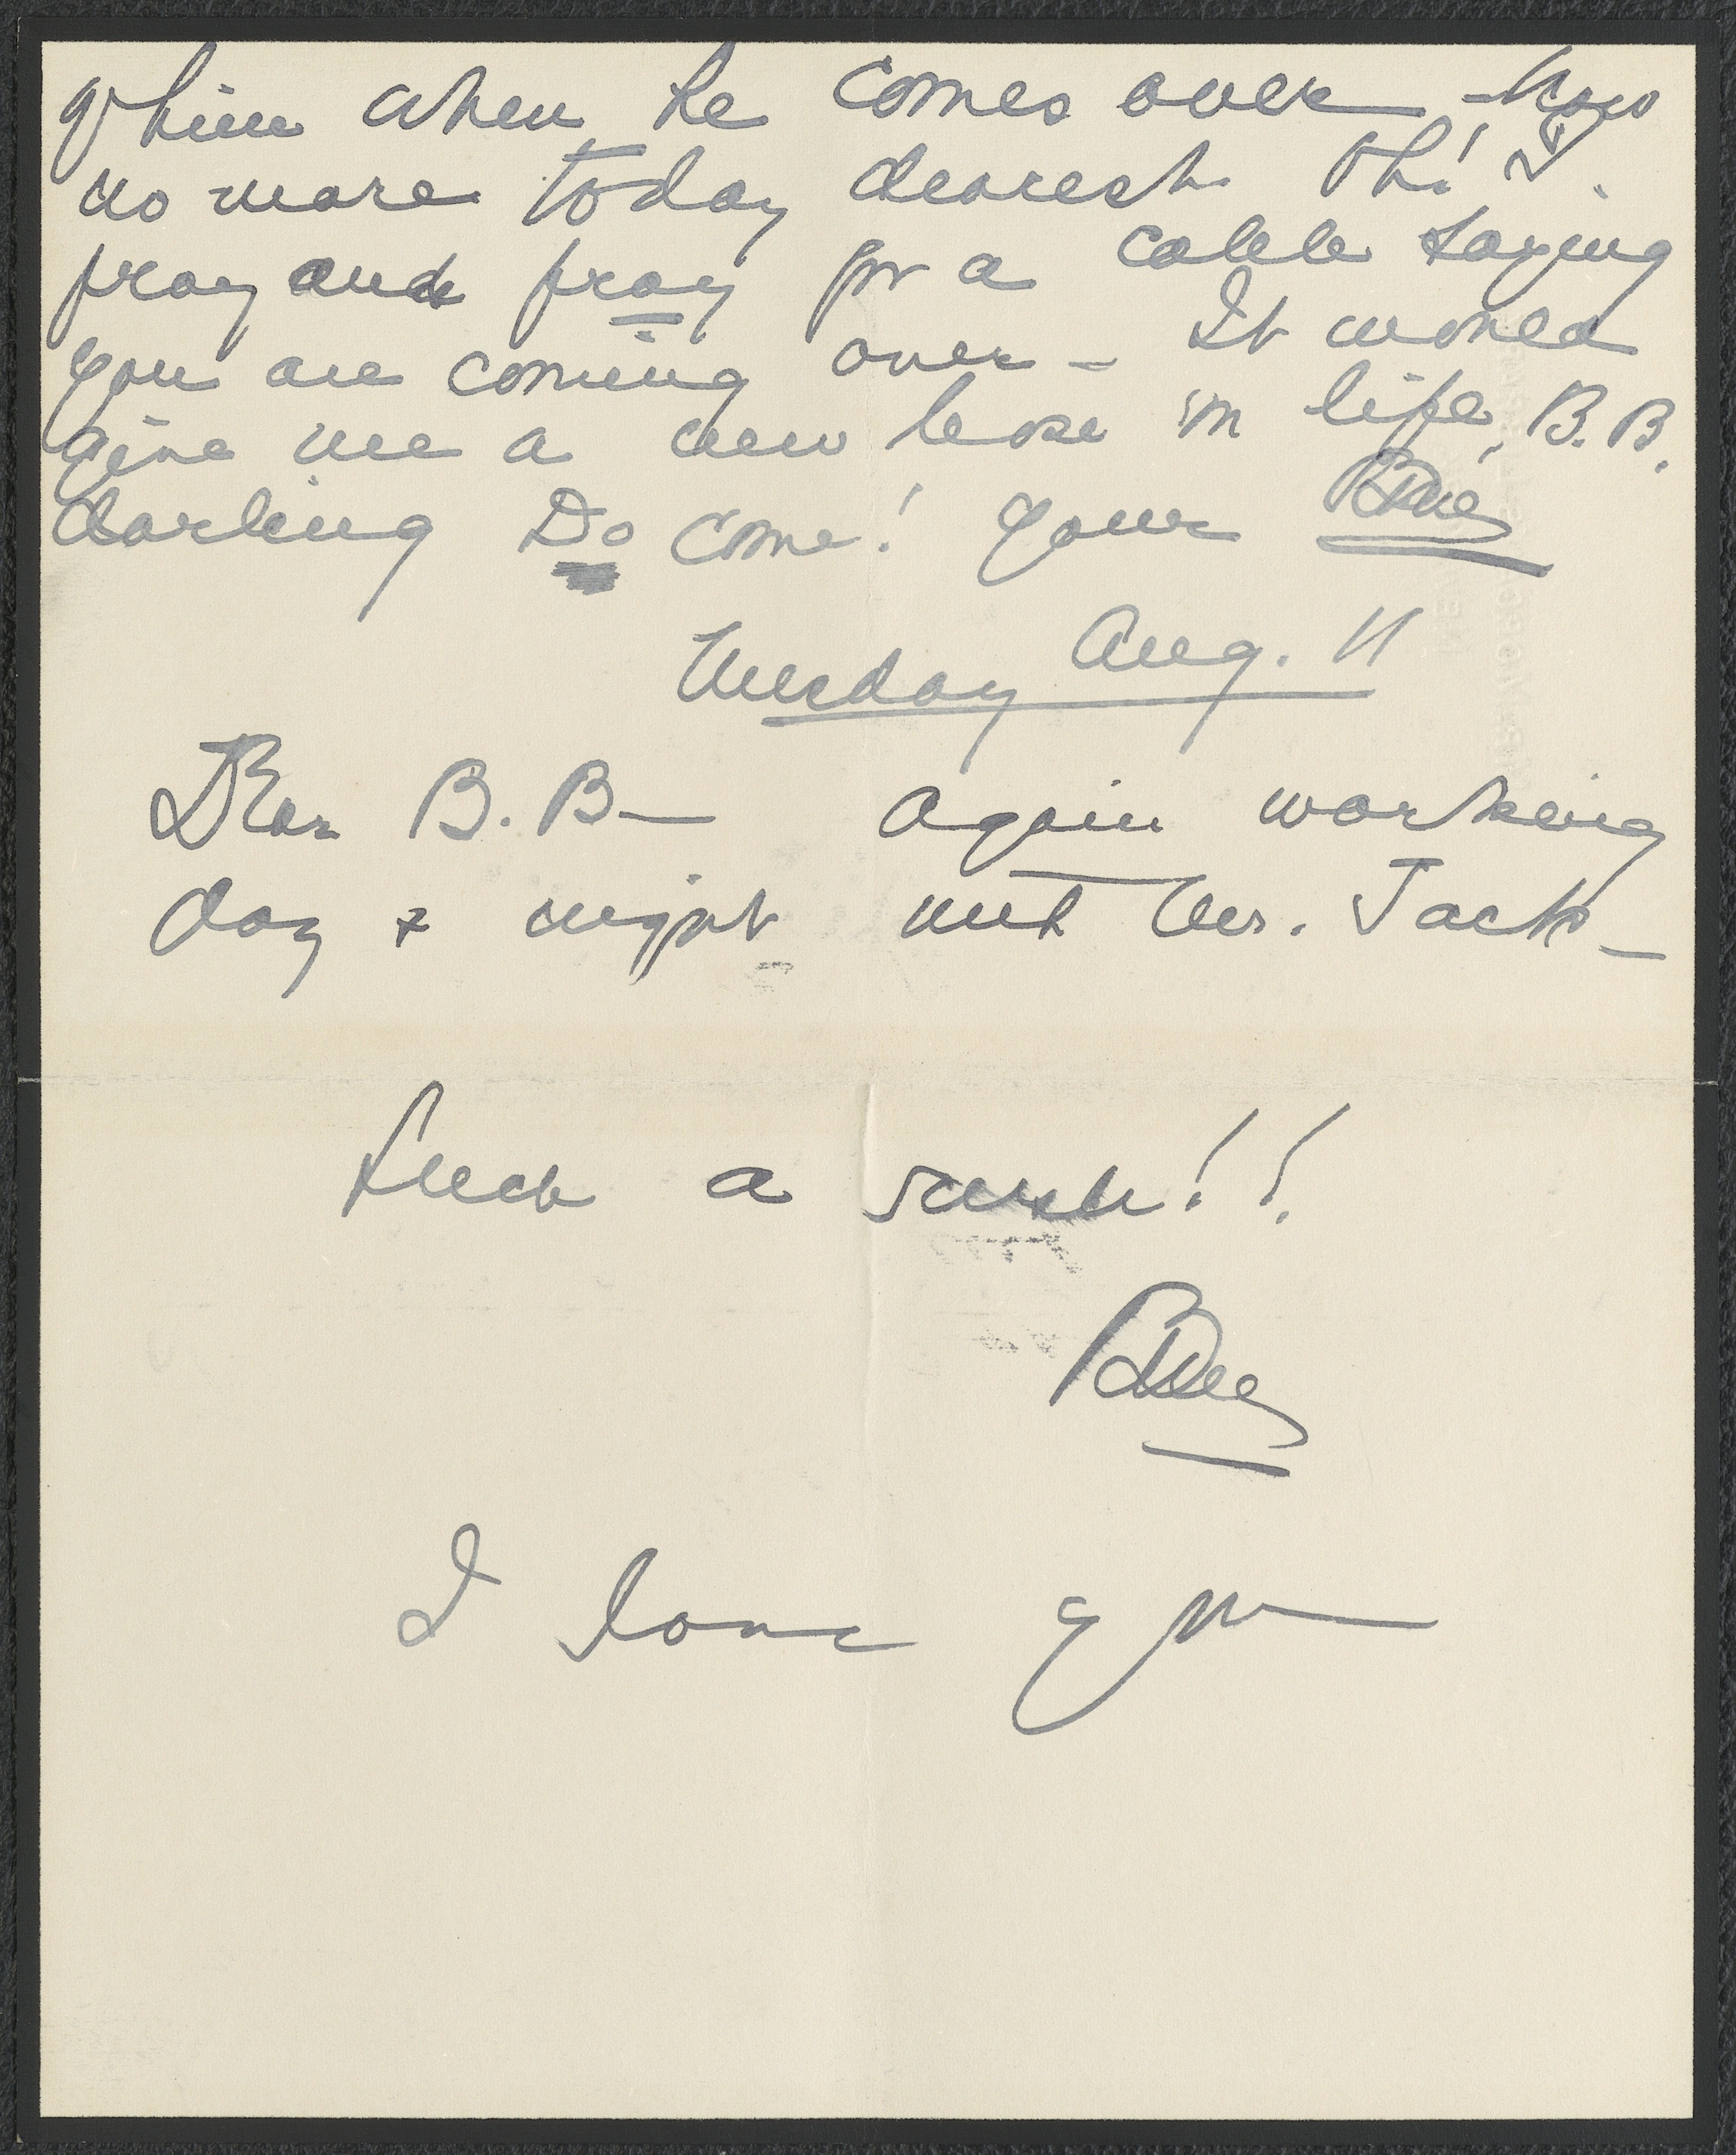of him when he comes over – Now no more today dearest. Oh I pray and pray for a cable saying you are coming over – It would give me a new lease on life, B.B. darling Do Come! Your Belle
Tuesday Aug. 11
Dear B.B – Again working day & night with Mr. Jack –
Such a rush!!
Belle
I love you